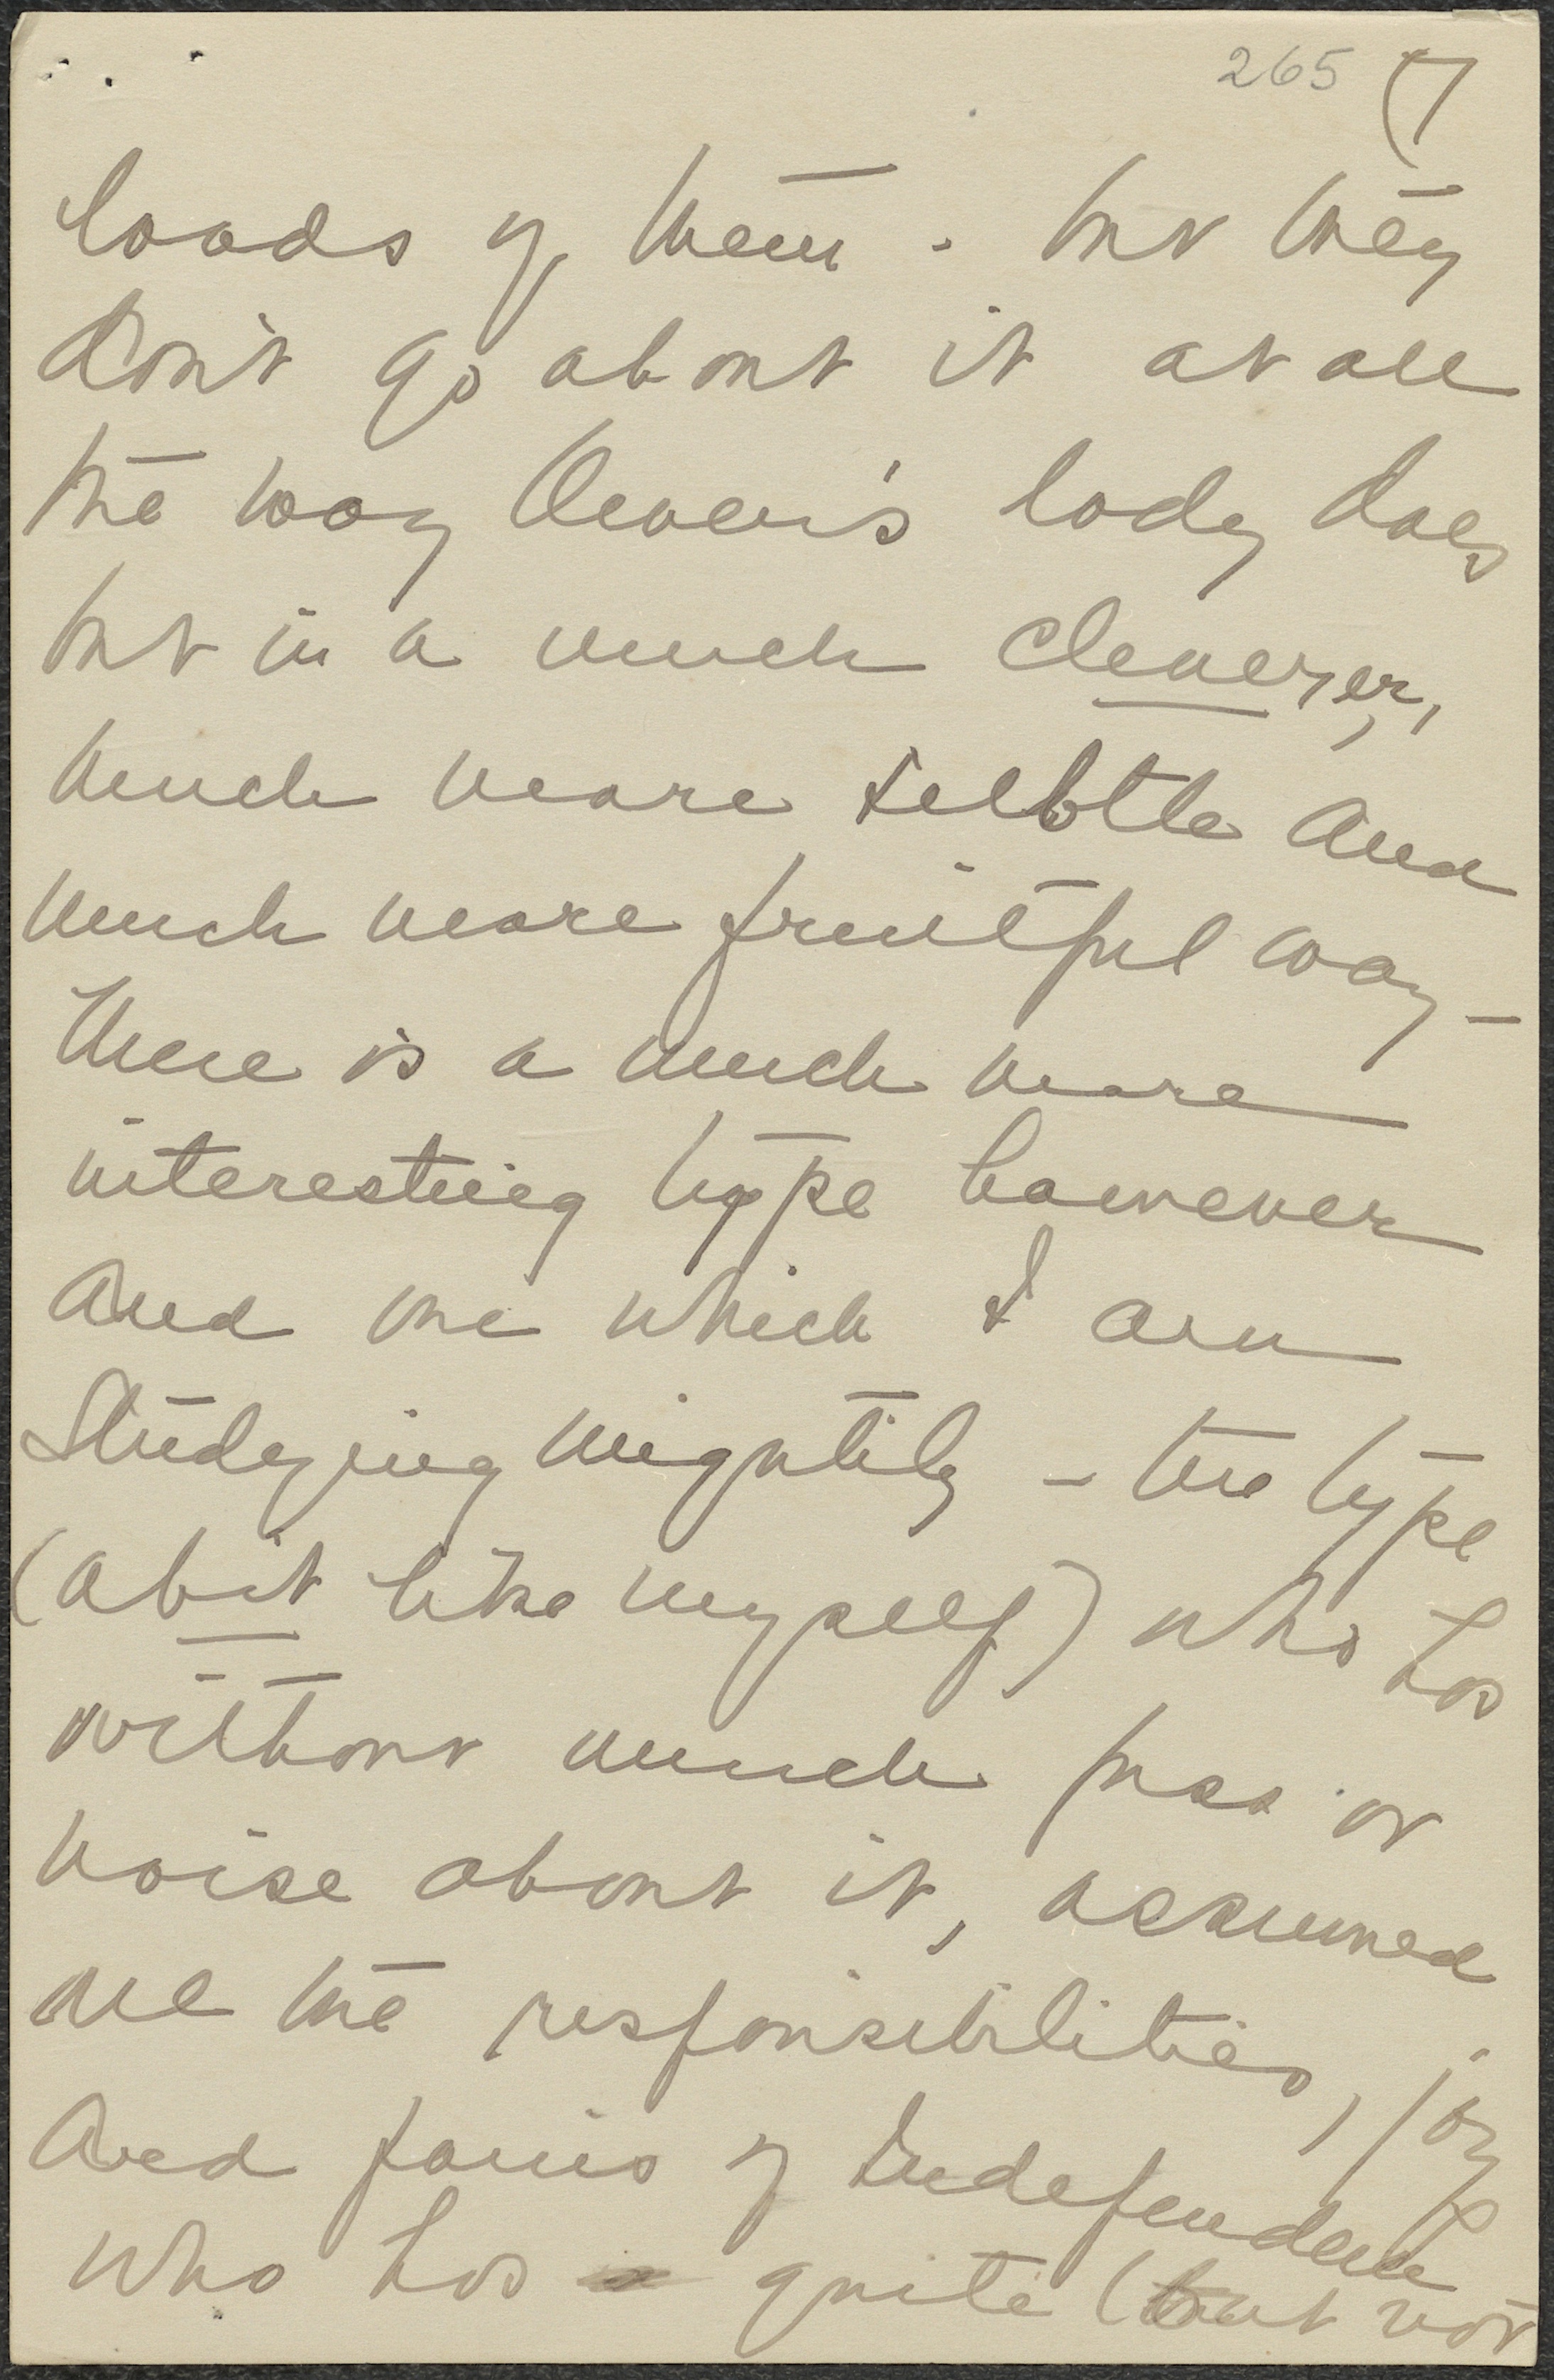(7
loads of them – but they don’t go about it at all the way Owen’s lady does but in a much clearer, much more subtle and much more fruitful way – There is a much more interesting type however and one which I am studying mightily – the type (a bit like myself) who has without much fuss or noise about it, assumed all the responsibilities, jobs, and pains of Independence – who has [illegible omission] quite (but not